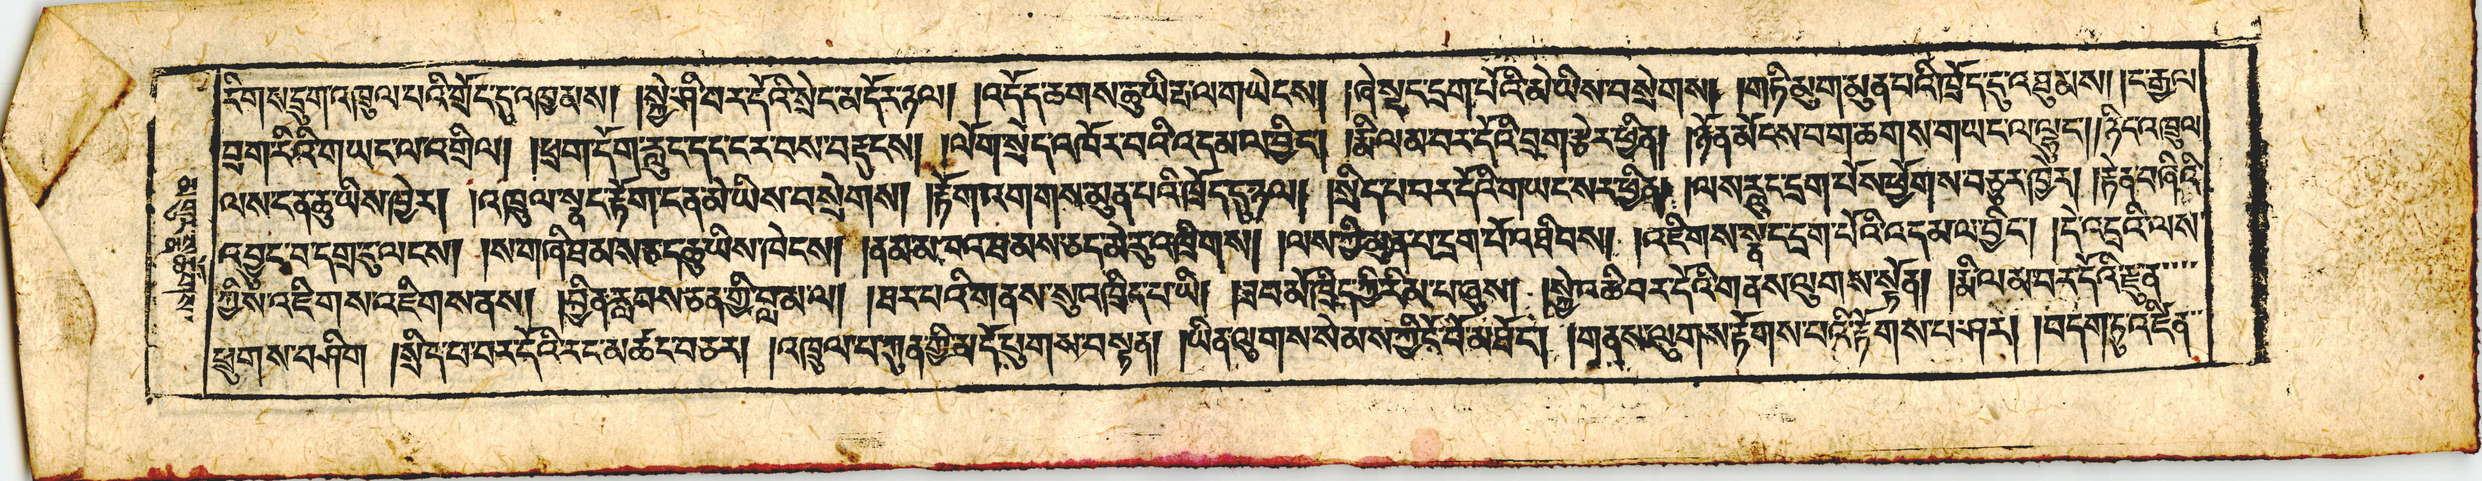རིགས་དྲུག་འཁྲུལ་པའི་ཁྲོད་དུ་འཁྱམས། །སྐྱེ་ཤི་བར་དོའི་སྲེང་མདོར་ཉལ། །འདོད་ཆགས་ཆུ་ཡི་རྦ་ལ་གཡེངས། །ཞེ་སྡང་དྲག་པོའི་མེ་ཡིས་བསྲེགས། །གཏི་མུག་མུན་པའི་ཁྲོད་དུ་འཐུམས། །ང་རྒྱལ་
བྲག་རིའི་གཡང་ལ་འགྲིལ། །ཕྲག་དོག་རླུང་དང་ངར་བས་བརྡུངས། །ལོག་སྲེད་འཁོར་བའི་འདམ་ལ་བྱིང་། །རྨི་ལམ་བར་དོའི་བྲག་རྩེར་ཕྱིན། །ཉོན་མོངས་བག་ཆགས་གཡང་ལ་ལྷུང་།། ཉིང་འཁྲུལ་
ལས་ངན་ཆུ་ཡིས་ཁྱེར། །འཁྲུལ་སྣང་རྟོག་ངན་མེ་ཡིས་བསྲེགས། །རྟོག་འགགས་མུན་པའི་ཁྲོད་དུ་ལ། །སྲིད་པ་བར་དོའི་གཡང་སར་ཕྱིན། ལས་རླུང་དྲག་པོས་ཕྱོགས་བཅུར་ཁྱེར། །རྟེན་བཞིའི་
འབྱུང་བ་དགྲ་རུ་ལངས། །ས་གཞི་ཐམས་ཅད་ཆུ་ཡིས་ཁེངས། །ནམ་མཁའ་ཐམས་ཅད་མེ་རུ་འཁྲིགས། །ལས་ཀྱི་མུན་པ་དྲག་པོ་འཐིབས། །འཇིགས་སྣང་དྲག་པོའི་འདམ་ལ་བྱིང་། །དེ་འདྲའི་ལས་
ཀྱིས་འཇིགས་འཇིགས་ནས། བྱིན་རླབས་ཅན་གྱི་བླ་མ་ལ། །ཐར་པའི་གནས་སུ་འཁྲིད་པ་ཡི། །ཟབ་མོ་ཁྲིད་ཀྱི་རིམ་པ་ཞུས། །སྐྱེ་འཆི་བར་དོའི་གནས་ལུགས་སྟོན། །རྨི་ལམ་བར་དོའི་རྫུན་
ཐུགས་བཤིག། །སྲིད་པ་བར་དོའི་རང་མཚང་བཅར། །འཁྲུལ་བ་ཀུན་གྱི་མདོ་ཕུགས་བསྟན། །ཡིན་ལུགས་སེམས་ཀྱི་ངོ་བོ་མཐོང་། །གནས་ལུགས་རྟོགས་བའི་རྟོགས་པ་ཤར། །བདག་ཏུ་འཛིན་